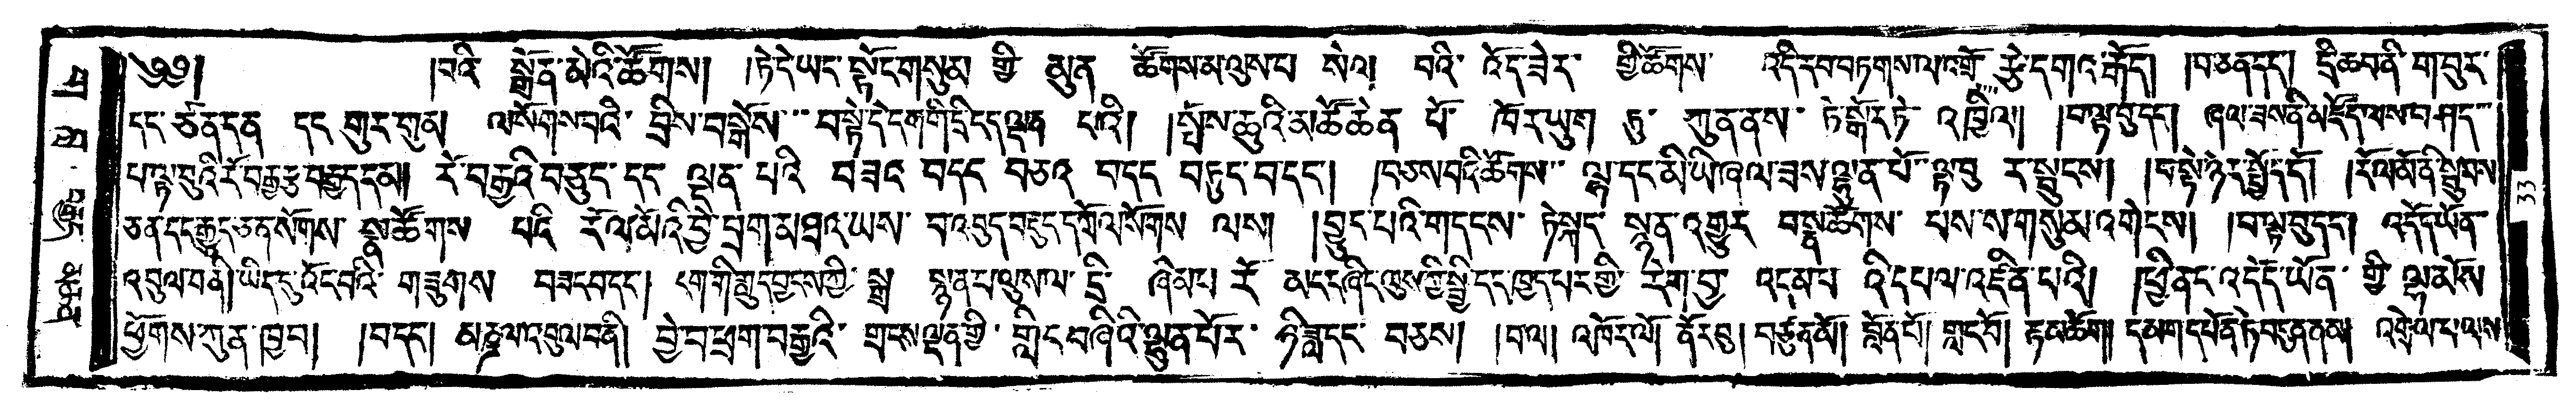༄༅། །བའི་སྒྲོན་མེའི་ཚོགས། །ཏེ་དེ་ཡང་སྟོང་གསུམ་གྱི་མུན་ཚོགས་མ་ལུས་པ་སེལ་བའི་འོད་ཟེར་གྱི་ཚོགས་འདི་རབ་བཏགས་ལ་འགྲོ་རྩེ་དགའ་རྒོད། །བ་ཅན་དང་། དྲི་ཆབ་ནི་ག་བུར་
དང་ཙན་དན་དང་གུར་གུམ་ལ་སོགས་པའི་བྲིས་བསྒོས་པ་སྟེ་དེ་དག་གི་དྲི་ངད་ལྡན་པའི། །སྤོས་ཆུའི་མཚོ་ཆེན་པོ་ཁོར་ཡུག་ཏུ་ཀུན་ནས་ཏེ་སྒོར་ཏེ་འཁྱིལ། །བ་ལྟ་བུ་དང་། ཞལ་ཟས་ནི་མཛོད་ལས་བཤད་
པ་ལྟ་བུའི་རོ་བརྒྱ་རྩ་བརྒྱད་དམ། རོ་བརྒྱའི་བཅུད་དང་ལྡན་པའི་བཟའ་བ་དང་བཅའ་བ་དང་བཏུང་བ་དང་། །བཅས་པའི་ཚོགས་ལྷ་དང་མི་ཡི་ཞལ་ཟས་ལྷུན་པོ་ལྟ་བུར་སྤུངས། །བ་སྟེ་ཉེར་སྤོད་དོ། །རོལ་མོ་ནི་སྦུབས་
ཅན་དང་རྒྱུད་ཅན་སོགས་སྣ་ཚོགས་པའི་རོལ་མོའི་བྱེ་བྲག་མཐའ་ཡས་པ་འབུད་བརྡུང་དཀྲོལ་སོགས་ལས། །བྱུང་པའི་གདངས་ཏེ་སྐད་སྙན་འགྱུར་བ་སྣ་ཚོགས་པས་ས་གསུམ་འགེངས། །བ་ལྟ་བུ་དང་། འདོད་ཡོན་
འབུལ་བ་ནི། ཡིད་དུ་འོང་བའི་གཟུགས་བཟང་བ་དང་། ངག་གི་གླུ་དབྱངས་ཀྱི་སྒྲ་སྙན་པ་ལུས་ལ་དྲི་ཞིམ་པ་རོ་མངར་ཞིང་ལུས་ཀྱི་སྤྱི་དང་ཁྱད་པར་གྱི་རེག་བྱ་འདམ་པའི་དཔལ་འཛིན་པའི། །ཕྱི་ནང་འདོད་ཡོན་གྱི་ལྷ་མོས་
ཕྱོགས་ཀུན་ཁྱབ། །བ་དང་། མཎྜལ་འབུལ་བ་ནི། བྱེ་བ་ཕྲག་བརྒྱའི་གྲངས་ལྡན་གྱི་གླིང་བཞིའི་ལྷུན་པོར་ཉི་ཟླ་དང་བཅས། །བ་ལ། འཁོར་ལོ། ནོར་བུ། བཙུན་མོ། བློན་པོ། གླང་པོ། རྟ་མཆོག། དམག་དཔོན་ཏེ་བདུན་ནམ། འགྲེལ་པ་ལས་